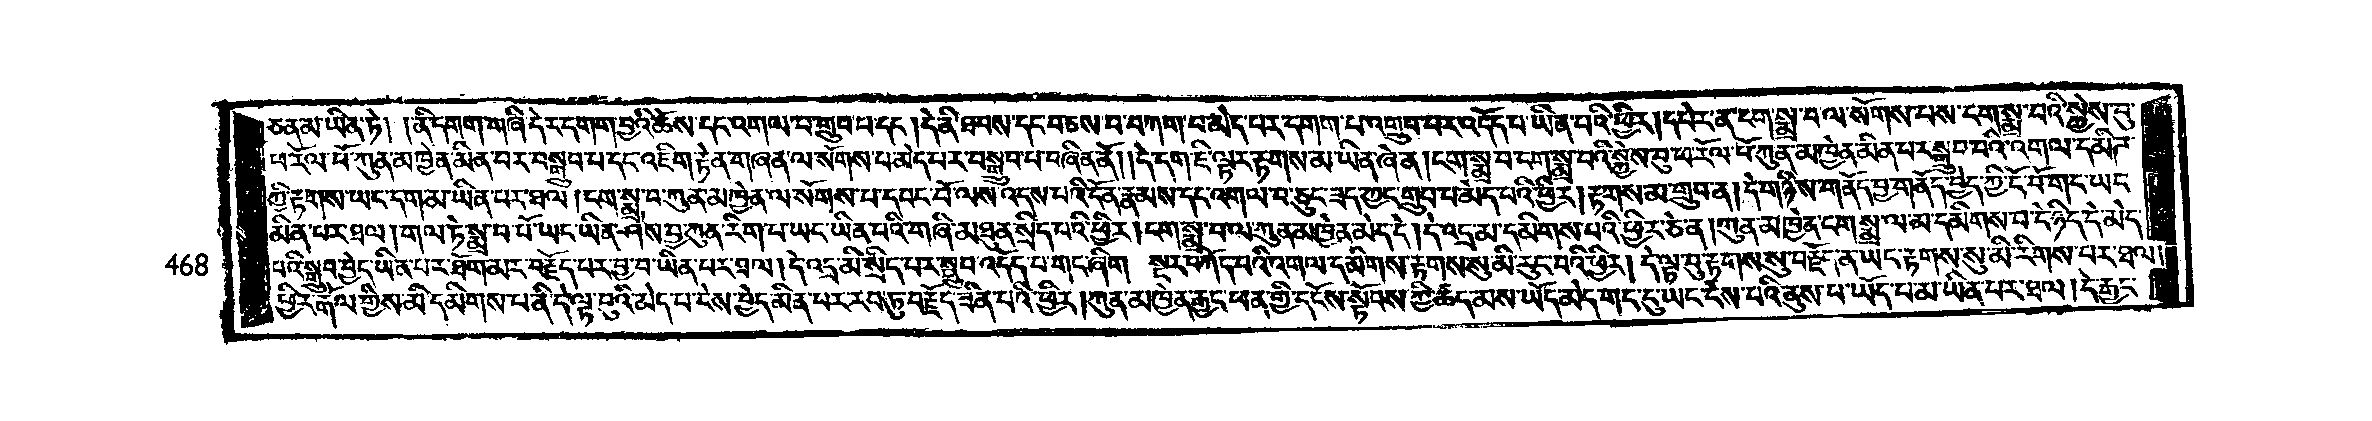ཅན་མ་ཡིན་ཏེ། །ནི་དགག་གཞི་དེར་དགག་བྱའི་ཆོས་དང་འགལ་བ་གྲུབ་པ་དང་། དེ་ནི་ཐབས་དང་བཅས་བ་བཀག་པ་མེད་པར་དགག་པ་འགྲུབ་པར་འདོད་པ་ཡིན་པའི་ཕྱིར། དཔེར་ན་དག་སྨྲ་བ་ལ་སོགས་པས་དག་སྨྲ་བའི་སྐྱེས་བུ་
ཕ་རོལ་པོ་ཀུན་མཁྱན་མིན་པར་བསྒྲུབ་པ་དང་འཇིག་རྟེན་གཞན་ལ་སོགས་པ་མེད་པར་བསྒྲུབ་པ་བཞིན་ནོ། །དེ་དག་ཇི་ལྟར་རྟགས་མ་ཡིན་ཞེ་ན། ངག་སྨྲ་བ་ངག་སྨྲ་བའི་སྐྱེས་བུ་ཕ་རོལ་པོ་ཀུན་མཁྱེན་མིན་པར་སྒྲུབ་བའི་འགལ་དམིགས་
ཀྱི་རྟགས་ཡང་དག་མ་ཡིན་པར་ཐལ། ངག་སྨྲ་བ་ཀུན་མཁྱེན་ལ་སོགས་པ་དབང་པོ་ལས་འདས་པའི་དོན་རྣམས་དང་འགལ་བ་ཅུང་ཟད་ཀྱང་གྲུབ་པ་མེད་པའི་ཕྱིར། རྟགས་མ་གྲུབ་ན། དེ་གཉིས་གནོད་བྱ་གནོད་བྱེད་ཀྱི་ངོ་བོ་གང་ཡང་
མིན་པར་ཐལ། གལ་ཏེ་སྨྲ་བ་པོ་ཡང་ཡིན་ཤེས་བྱ་ཀུན་རིག་པ་ཡང་ཡིན་པའི་གཞི་མཐུན་སྲིད་པའི་ཕྱིར། ངག་སྨྲ་བ་ལ་ཀུན་མཁྱེན་མེད་དེ། དེ་འདྲ་མ་དམིགས་པའི་ཕྱིར་ཅེ་ན། ཀུན་མཁྱེན་ངག་སྨྲ་ལ་མ་དམིགས་པ་དེ་ཉིད་དེ་མེད་
པའི་སྒྲུབ་བྱེད་ཡིན་པར་ཐོག་མར་བརྗོད་པར་བྱ་བ་ཡིན་པར་ཐལ། དེ་འདྲ་མི་སྲིད་པར་སྒྲུབ་འདོད་པ་གང་ཞིག་སྔར་བཀོད་པའི་འགལ་དམིགས་རྟགས་སུ་མི་རུང་བའི་ཕྱིར། དེ་ལྟ་བུ་རྟགས་སུ་བརྗོད་ན་ཡང་རྟགས་སུ་མི་རིགས་པར་ཐལ།
ཕྱིར་རྒོལ་གྱིས་མི་དམིགས་པ་ནི་དེ་ལྟ་བུའི་མེད་པ་ངེས་བྱེད་མིན་པར་རབ་ཏུ་བརྗོད་ཟིན་པའི་ཕྱིར། ཀུན་མཁྱེན་རྒྱང་ཕན་གྱི་དངོས་སྟོབས་ཀྱི་ཚད་མས་ཡོད་མེད་གང་དུ་ཡང་ངེས་པའི་ནུས་པ་ཡོད་པ་མ་ཡིན་པར་ཐལ། དེ་རྒྱང་